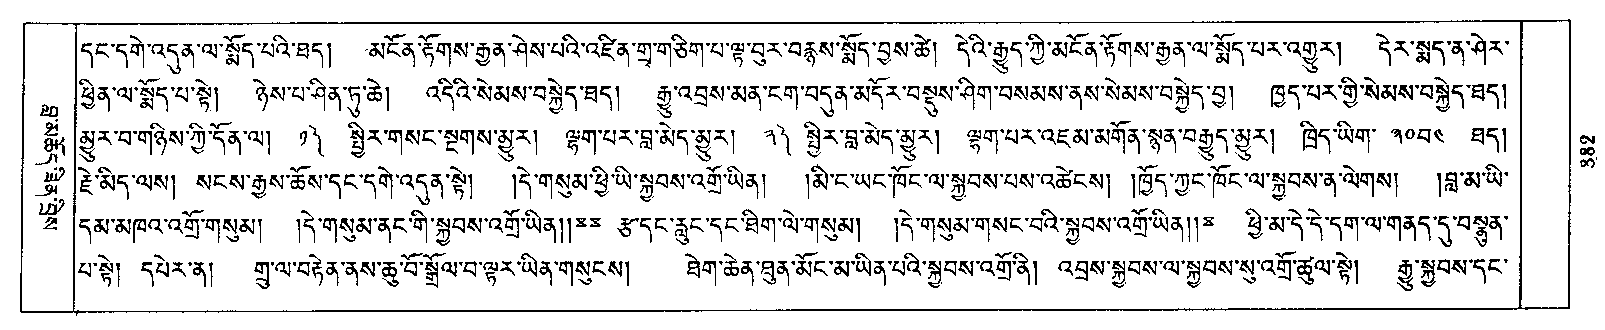དང་དགེ་འདུན་ལ་སྨོད་པའི་ཐད། མངོན་རྟོགས་རྒྱན་ཤེས་པའི་འཛིན་གྲྭ་གཅིག་པ་ལྟ་བུར་བརྙས་སྨོད་བྱས་ཚེ། དེའི་རྒྱུད་ཀྱི་མངོན་རྟོགས་རྒྱན་ལ་སྨོད་པར་འགྱུར། དེར་སྨད་ན་ཤེར་
ཕྱིན་ལ་སྨོད་པ་སྟེ། ཉེས་པ་ཤིན་ཏུ་ཆེ། འདིའི་སེམས་བསྐྱེད་ཐད། རྒྱུ་འབྲས་མན་ངག་བདུན་མདོར་བསྡུས་ཤིག་བསམས་ནས་སེམས་བསྐྱེད་བྱ། ཁྱད་པར་གྱི་སེམས་བསྐྱེད་ཐད།
མྱུར་བ་གཉིས་ཀྱི་དོན་ལ། ༡?་སྤྱིར་གསང་སྔགས་མྱུར། ལྷག་པར་བླ་མེད་མྱུར། ༢?་སྤྱིར་བླ་མེད་མྱུར། ལྷག་པར་འཇམ་མགོན་སྙན་བརྒྱུད་མྱུར། ཁྲིད་ཡིག ༣༠་བ ༤་ཐད།
རྗེ་མིད་ལས། སངས་རྒྱས་ཆོས་དང་དགེ་འདུན་སྟེ། །དེ་གསུམ་ཕྱི་ཡི་སྐྱབས་འགྲོ་ཡིན། །མི་ང་ཡང་ཁོང་ལ་སྐྱབས་པས་འཚེངས། །ཁྱོད་ཀྱང་ཁོང་ལ་སྐྱབས་ན་ལེགས། །བླ་མ་ཡི་
དམ་མཁའ་འགྲོ་གསུམ། །དེ་གསུམ་ནང་གི་སྐྱབས་འགྲོ་ཡིན། །྾་྾་རྩ་དང་རླུང་དང་ཐིག་ལེ་གསུམ། །དེ་གསུམ་གསང་བའི་སྐྱབས་འགྲོ་ཡིན།། ྾་ཕྱི་མ་དེ་དེ་དག་ལ་གནད་དུ་བསྣུན་
པ་སྟེ། དཔེར་ན། གྲུ་ལ་བརྟེན་ནས་ཆུ་བོ་སྒྲོལ་བ་ལྟར་ཡིན་གསུངས། ཐེག་ཆེན་ཐུན་མོང་མ་ཡིན་པའི་སྐྱབས་འགྲོ་ནི། འབྲས་སྐྱབས་ལ་སྐྱབས་སུ་འགྲོ་ཚུལ་སྟེ། རྒྱུ་སྐྱབས་དང་